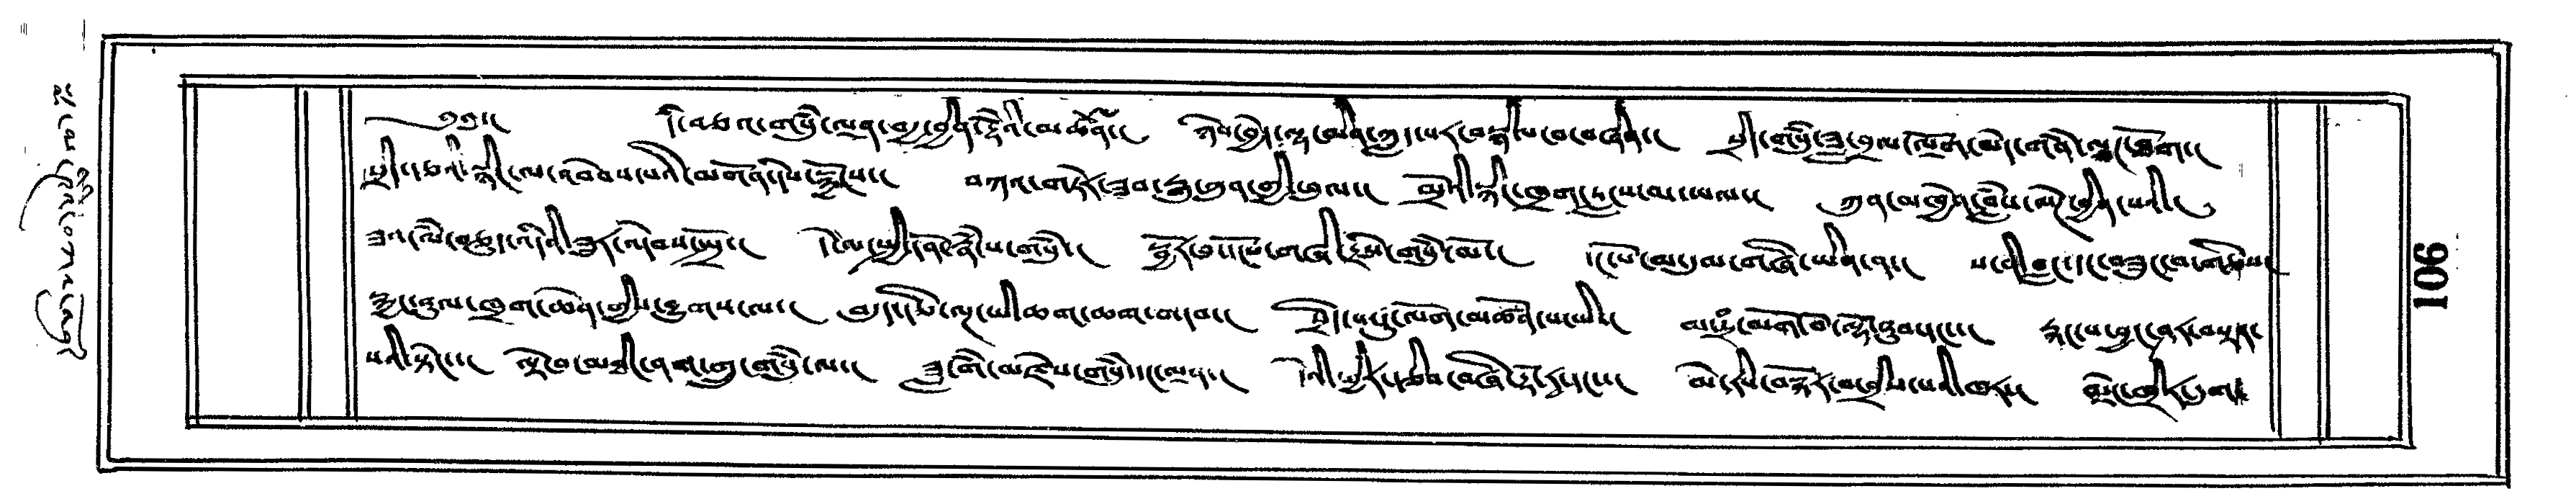༄༅། དམ་བཅའ་གསུམ་ལྡན་བརྒྱ་བྱིན་རྡོ་རྗེའི་མཚོན། །ཉེས་བྱེད་ལྷ་མིན་ཀླད་པར་བསྙིལ་བ་བཞིན། །སྲིད་གསུམ་ཟླ་བྲལ་ལྡོག་མེད་གནམ་ལྕགས་ཐོག །
སྲིད་རྩའི་སྙིང་ལ་འབེབས་པའི་མགོན་དེས་སྐྱོངས། །བཀའ་གཏེར་ཟབ་རྒུ་ཀུན་གྱི་ཕུལ། །མཁའ་འགྲོའི་སྙིང་ཁྲག་རླངས་མ་ཕལ། །ཀུན་མཁྱེན་བླ་མས་ལེགས་བྱིན་པའི། །
ཟབ་ལམ་བཅུད་འདིའི་ཟུར་འདེབས་སྤྲོ། །དེ་ལ་སྤྱི་དོན་རྣམ་པ་གསུམ། །སྦྱོར་བ་དངོས་གཞི་རྗེས་གསུམ་མོ། །དང་པོ་མ་དུལ་གཞི་ཡིན་ན། །ས་ནི་བླང་དང་གཟུང་བ་གཅེས། །
སྐྱང་ནུལ་ཁྲག་ཆེན་གྱིས་བྱུགས་ལ། །བདུད་རྩི་ལྔ་ཡིས་ཆག་ཆག་འདབ། །སྲིད་པ་རུ་ལོག་མཚོན་པ་ཡི། །མ་ཏྲཾ་མགོ་བོ་ལྷོ་ནུབ་དང་། །རྐང་པ་བྱང་ཤར་བསྟན་
པའི་སྟེང་། །ལྟོ་བམཐིང་ནག་གྲུ་གསུམ་ལ། །ཟླ་གམ་མཛེས་རིས་གསུམ་དང་ལྡན། །དེའི་ཕྱིར་རྩིབས་བཞི་རྡོ་རྭ་དང་། །མེ་རིས་བསྐོར་བ་བྲིས་པའི་ཁར། །ལྡེང་ཁྲིར་དུག་